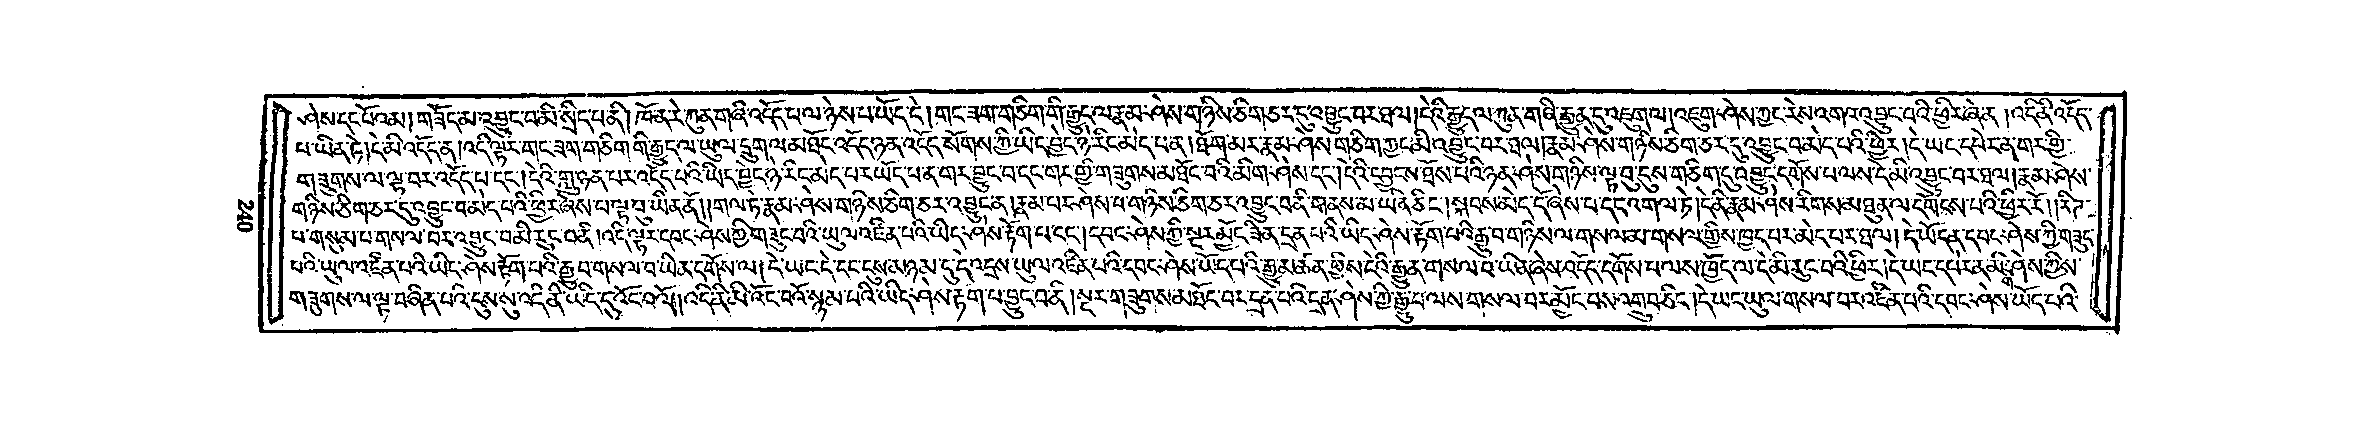ཤེས་དང་པོའམ། གཟོད་མ་འབྱུང་བ་མི་སྲིད་པ་ནི། ཁོ་ན་རེ་ཀུན་གཞི་འདོད་པ་ལ་ཉེས་པ་ཡོད་དེ། གང་ཟག་གཅིག་གི་རྒྱུད་ལ་རྣམ་ཤེས་གཉིས་ཅིག་ཅར་དུ་འབྱུང་བར་ཐལ། དེའི་རྒྱུད་ལ་ཀུན་གཞི་རྒྱུན་དུ་འཇུག་ལ། འཇུག་ཤེས་ཀྱང་རེས་འགའ་འབྱུང་བའི་ཕྱིར་ཞེ་ན། འདི་ནི་འདོད་
པ་ཡིན་ཏེ། དེ་མི་འདོད་ན། འདི་ལྟར་གང་ཟག་གཅིག་གི་རྒྱུད་ལ་ཡུལ་དྲུག་ལ་མཐོང་འདོད་ཉན་འདོད་སོགས་ཀྱི་ཡིད་བྱེད་ཉེ་རིང་མེད་པ་ན། ཐོག་མར་རྣམ་ཤེས་གཅིག་ཀྱང་མི་འབྱུང་བར་ཐལ། རྣམ་ཤེས་གཉིས་ཅིག་ཅར་དུ་འབྱུང་བ་མེད་པའི་ཕྱིར། དེ་ཡང་དཔེར་ན་གར་གྱི་
གཟུགས་ལ་ལྟ་བར་འདོད་པ་དང་། དེའི་གླུ་ཉན་པར་འདོད་པའི་ཡིད་བྱེད་ཉེ་རིང་མེད་པར་ཡོད་པ་ན་གར་བྱུང་བ་དང་གར་གྱི་གཟུགས་མཐོང་བའི་མིག་ཤེས་དང་། དེའི་དབྱངས་ཐོས་པའི་ཉན་ཤེས་གཉིས་ལྟ་བུ་དུས་གཅིག་དུ་འབྱུང་དགོས་པ་ལས་དེ་མི་འབྱུང་བར་ཐལ། རྣམ་ཤེས་
གཉིས་ཅིག་ཅར་དུ་འབྱུང་བ་མེད་པའི་ཕྱིར་ཞེས་པ་ལྟ་བུ་ཡིན་ནོ། །གལ་ཏེ་རྣམ་ཤེས་གཉིས་ཅིག་ཅར་འབྱུང་ན། རྣམ་པར་ཤེས་པ་གཉིས་ཅིག་ཅར་འབྱུང་བ་ནི་གནས་མ་ཡིན་ཅིང་། སྐབས་མེད་དོ་ཞེས་པ་དང་འགལ་ཏེ། དེ་ནི་རྣམ་ཤེས་རིགས་མཐུན་ལ་དགོངས་པའི་ཕྱིར་རོ། །རིགས་
པ་གསུམ་པ་གསལ་བར་འབྱུང་བ་མི་རུང་བ་ནི། འདི་ལྟར་དབང་ཤེས་ཀྱི་གཟུང་བའི་ཡུལ་འཛིན་པའི་ཡིད་ཤེས་རྟོག་པ་དང་། དབང་ཤེས་ཀྱི་སྔར་མྱོང་ཟིན་དྲན་པའི་ཡིད་ཤེས་རྟོག་པའི་རྒྱུ་བ་གཉིས་ལ་གསལ་མ་གསལ་གྱིས་ཁྱད་པར་མེད་པར་ཐལ། དེ་ཡོད་ན་དབང་ཤེས་ཀྱི་གཟུང་
པའི་ཡུལ་འཛིན་པའི་ཡིད་ཤེས་རྟོག་པའི་རྒྱུ་བ་གསལ་བ་ཡིན་དགོས་ལ། དེ་ཡང་དེ་དང་དུས་མཉམ་དུ་དེ་འདྲས་ཡུལ་འཛིན་པའི་དབང་ཤེས་ཡོད་པའི་རྒྱུ་མཚན་གྱིས་དེའི་རྒྱུན་གསལ་བ་ཡིན་ཞེས་འདོད་དགོས་པ་ལས་ཁྱོད་ལ་དེ་མི་རུང་བའི་ཕྱིར། དེ་ཡང་དཔེར་ན་མིག་ཤེས་ཀྱིས་
གཟུགས་ལ་ལྟ་བཞིན་པའི་དུས་སུ་འདི་ནི་ཡིད་དུ་འོང་བའོ། །འདི་ནི་མི་འོང་བའོ་སྙམ་པའི་ཡིད་ཤེས་རྟག་པ་བྱུང་བ་ནི། སྔར་གཟུགས་མཐོང་བར་དྲན་པའི་དྲན་ཤེས་ཀྱི་རྒྱུ་བ་ལས་གསལ་བར་མྱོང་བས་འགྲུབ་ཅིང་། དེ་ཡང་ཡུལ་གསལ་བར་འཛིན་པའི་དབང་ཤེས་ཡོད་པའི་